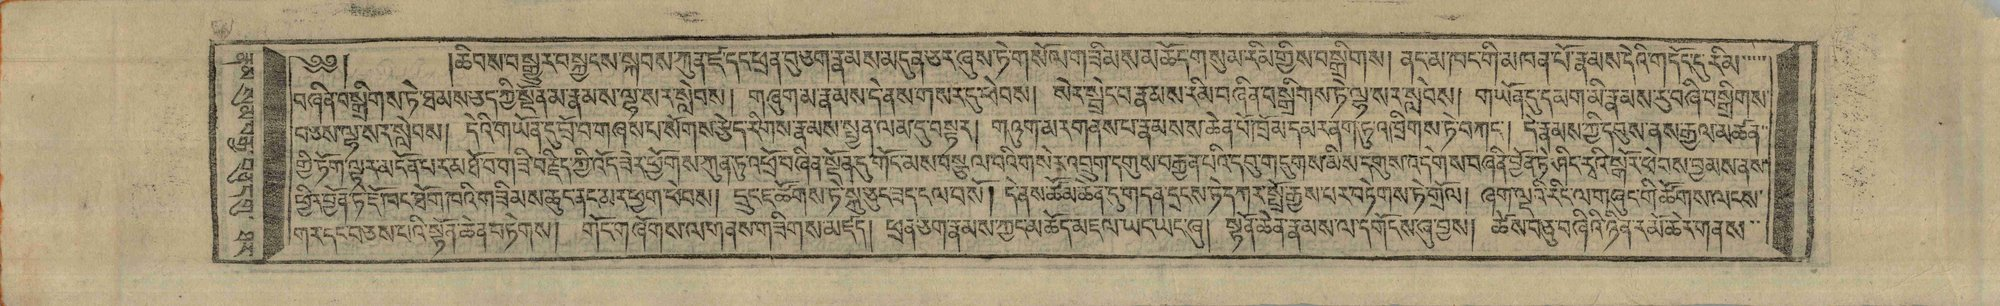༄༅། །ཆིབས་བསྒྱུར་བསྐྱངས་སྐབས་ཀུན་ཛ་དང་ཕྲན་བུ་ཅག་རྣམས་མདུན་ཅར་ཞུས་ཏེ་གསོལ་གཟིམས་མཆོད་གསུམ་རིམ་གྱིས་བསྒྲིགས། ནང་མ་ཁང་གི་མཁན་པོ་རྣམས་དེའི་གདོང་དུ་རིམ་
བཞིན་བསྒྲིགས་ཏེ་ཐམས་ཅད་ཀྱི་སྔོན་མ་རྣམས་ལྷ་སར་སླེབས། གཞུག་མ་རྣམས་དེ་ནས་གསར་དུ་ཕེབས། སེར་སྦྲེང་བ་རྣམས་རིམ་བཞིན་བསྒྲིགས་ཏེ་ལྷ་སར་སླེབས། གཡོན་དུ་དམག་མི་རྣམས་རུ་བཞི་བསྒྲིགས་
བཅས་ལྷ་སར་སླེབས། དེའི་གཡོན་དུ་བྲོ་བ་གཞས་པ་སོགས་རྩེད་རིགས་རྣམས་སྤྱན་ལམ་དུ་བསྟར། གཉུག་མར་གནས་པ་རྣམས་ས་ཆེན་པོ་ཁྲོམ་དམར་ནག་ཏུ་འཁྲིགས་ཏེ་བཀང་། དེ་རྣམས་ཀྱི་དབུས་ནས་རྒྱལ་མཚན་
གྱི་ཏོག་ལྟར་མངོན་པར་མཐོ་བ་གཟི་བརྗིད་ཀྱི་འོད་ཟེར་ཕྱོགས་ཀུན་ཏུ་འཕྲོ་བཞིན་སྔོན་དུ་གོང་མས་བསྩལ་བའི་གསེར་འབྲུག་དགུས་བརྒྱན་པའི་དབུ་གདུགས་མིས་དགུས་འདེགས་བཞིན་བྱོན་ཏེ་ཤིང་རྭའི་སྒོར་ཕེབས་བྱམས་ནས་
ཕྱིར་བྱོན་ཏེ་ཇོ་ཁང་ཐོག་ཁའི་གཟིམས་ཆུང་ནང་མར་ཕྱག་ཕེབས། དྲུང་ཇ་ཚོགས་ཏེ་སྐུ་ཅུང་ཟད་ངལ་བསོ། དེ་ནས་ཚོམ་ཆེན་དུ་གདན་དྲངས་ཏེ་དཀར་སྤྲོ་རྒྱས་པར་བཏེགས་ཏེ་གྲོལ། ཞག་ལྔའི་རིང་ལ་གཞུང་གི་ཚོགས་ལངས་
གར་དང་བཅས་པའི་སྟོན་ཆེན་བཏེགས། གོང་གཞོགས་ལ་གནས་གཟིགས་མཛད། ཕྲན་ཅག་རྣམས་ཀྱང་མཆོད་མཇལ་ཡང་ཡང་ཞུ། སྟོན་ཆེན་རྣམས་ལ་དགོངས་ཞུ་བྱས། ཚེས་བཅུ་བཞིའི་ཉིན་ར་མོ་ཆེར་གནས་